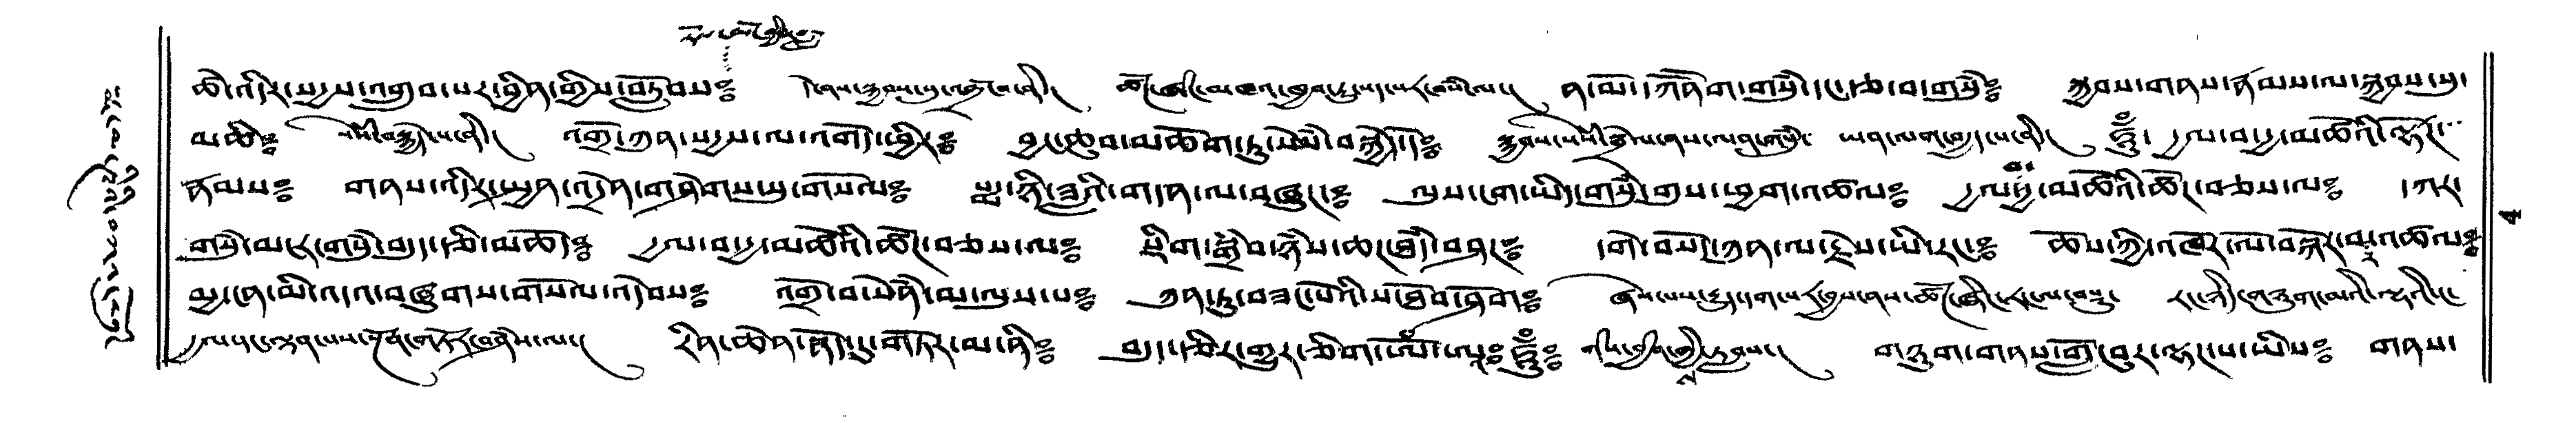ཚེ་འདིར་སངས་རྒྱས་འགྲུབ་པར་བྱིན་གྱིས་བརློབས༔ དེ་ནས་སྐྱབས་སུ་འགྲོ་བ་ནི། ཚོགས་ཞིང་མཁའ་ཁྱབ་ཏུ་སད་པར་བསམ་ལ། ན༔མོ་དཀོན་མཆོག་གསུམ་དང་རྩ་བ་གསུམ༔ སྐྱབས་གནས་རྣམས་ལ་སྐྱབས་སུ་
མཆི༔ སེམས་བསྐྱེད་པ་ནི། འགྲོ་ཀུན་སངས་རྒྱས་ལ་འགོད་ཕྱིར༔ བྱང་ཆུབ་མཆོག་ཏུ་སེམས་བསྐྱེད་དོ༔ སྐྱབས་སེམས་སྦྲེལ་ནས་ལན་གསུམ། ཡན་ལག་བརྒྱད་པ་ནི། ཧཱུྃ༔ རྒྱལ་བ་རྒྱ་མཚོའི་ལྷ་ཚོགས་
རྣམས༔ གནས་འདིར་སྤྱན་འདྲེན་གཤེགས་སུ་གསོལ༔ པདྨ་ཉི་ཟླའི་གདན་ལ་བཞུགས༔ ལུས་ངག་ཡིད་གསུམ་གུས་ཕྱག་འཚལ༔ རྒྱལ་བ་རྒྱ་མཚོའི་ཚོགས་བཅས་ལ༔ དཀར་
གསུམ་མངར་གསུམ་བདུད་རྩིས་མཆོད༔ རྒྱལ་བ་རྒྱ་མཚོའི་ཚོགས་བཅས་ལ༔ སྡིག་སྒྲིབ་ཉམས་ཆག་ཐམས་ཅད་བཤགས༔ དགེ་བསོད་ཀུན་ལ་རྗེས་ཡི་རང༔ ཆོས་ཀྱིས་འཁོར་ལོ་བསྐོར་བར་འཚལ༔ 
མྱ་ངན་མི་འདའ་བཞུགས་གསོལ་འདེབས༔ འགྲོ་བ་སེམས་ཅན་མ་ལུས་པ༔ ཀུན་ཏུ་བཟང་པོའི་ས་ཐོབ་ཤོག༔ ཞེས་པས་རྒྱུད་དག་པར་བྱས་ནས་ཚོགས་ཞིང་རང་ལ་བསྡུ། རང་ཉིད་གཉུག་མའི་ལྷའི་ང་
རྒྱལ་དང་ལྡན་པས་སྔོན་གཏོར་བཤམས་ལ། རིན་ཆེན་སྣོད་དུ་གཏོར་མ་ནི༔ བདུད་རྩིར་གྱུར་ཅིག་ཨོཾ་ཨཱ་ཧཱུྃ༔ བྱིན་གྱིས་བརླབས། གཉུག་གནས་གློ་བུར་ལྷགས་པ་ཡི༔ གནས་